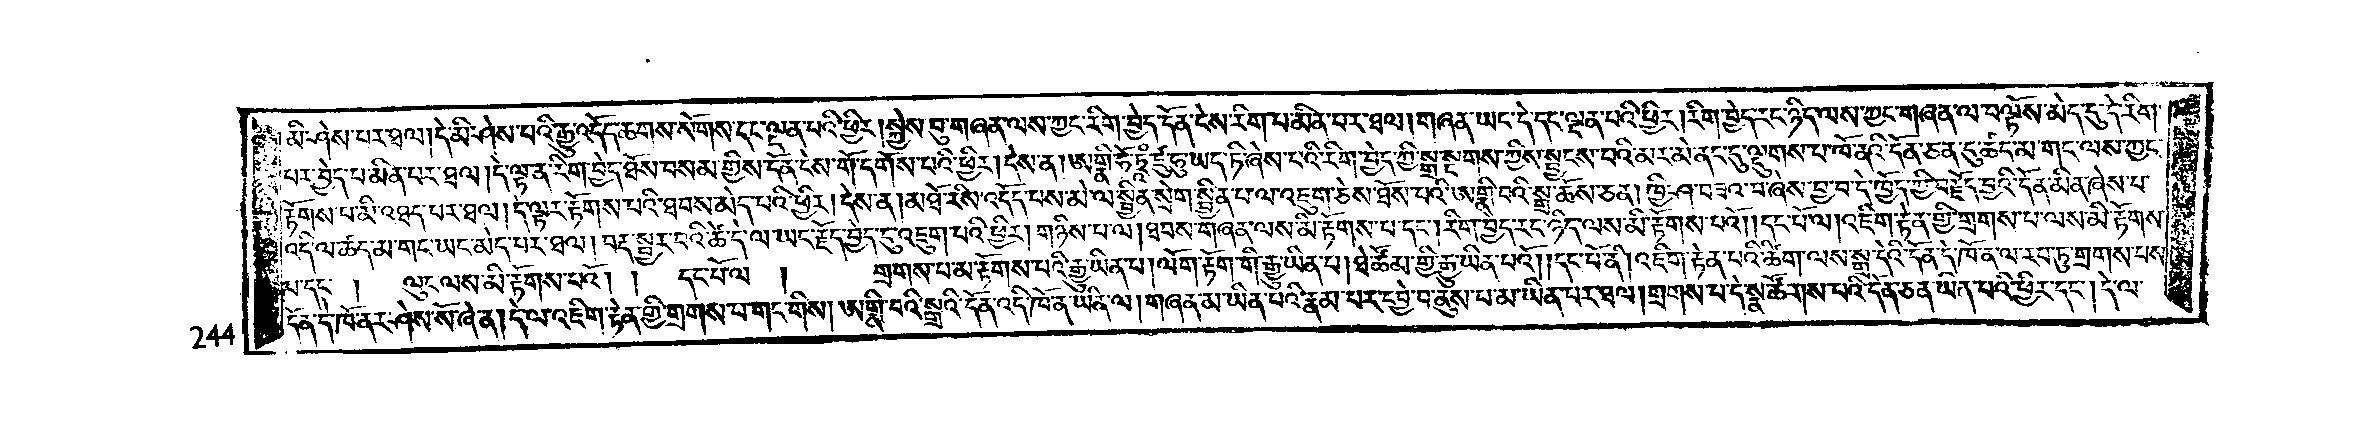མི་ཤེས་པར་ཐལ། དེ་མི་ཤེས་པའི་རྒྱུ་འདོད་ཆགས་སོགས་དང་ལྡན་པའི་ཕྱིར། སྐྱེས་བུ་གཞན་ལས་ཀྱང་རིག་བྱེད་དོན་ངེས་རིག་པ་མིན་པར་ཐལ། གཞན་ཡང་དེ་དང་ལྡན་པའི་ཕྱིར། རིག་བྱེད་རང་ཉིད་ལས་ཀྱང་གཞན་ལ་བལྟོས་མེད་དུ་དེ་རིག་
པར་བྱེད་པ་མིན་པར་ཐལ། དེ་ལྟ་ན་རིག་བྱེད་ཐོས་བསམ་གྱིས་དོན་ངེས་གོ་དགོས་པའི་ཕྱིར། དེས་ན། ཨགནི་ཧོ་ཏརའཾཨ་ཛུ་ཧུ་ཡད་ཏི་ཞེས་པའི་རིག་བྱེད་ཀྱི་སྒྲ་སྔགས་ཀྱིས་སྦྱངས་པའི་མར་མེ་ནང་དུ་ལྡུགས་པ་ཁོ་ནའི་དོན་ཅན་དུ་ཚད་མ་གང་ལས་ཀྱང་
རྟོགས་པ་མི་འཐད་པར་ཐལ། དེ་ལྟར་རྟོགས་པའི་ཐབས་མེད་པའི་ཕྱིར། དེས་ན། མཐོ་རིས་འདོད་པས་མེ་ལ་སྦྱིན་སྲེག་སྦྱིན་པ་ལ་འཇུག་ཅེས་ཐོས་པའི་ཨགནི་བའི་སྒྲ་ཆོས་ཅན། ཁྱི་ཤ་བཟའ་བ་ཞེས་བྱ་བ་དེ་ཁྱོད་ཀྱི་བརྗོད་བྱའི་དོན་མིན་ཞེས་པ་
འདི་ལ་ཚད་མ་གང་ཡང་མེད་པར་ཐལ། བརྡ་སྦྱར་བའི་ཚེ་དེ་ལ་ཡང་རྗོད་བྱེད་དུ་འཇུག་པའི་ཕྱིར། གཉིས་པ་ལ། ཐབས་གཞན་ལས་མི་རྟོགས་པ་དང་། རིག་བྱེད་རང་ཉིད་ལས་མི་རྟོགས་པའོ། །དང་པོ་ལ། འཇིག་རྟེན་གྱི་གྲགས་པ་ལས་མི་རྟོགས་
པ་དང་། ལུང་ལས་མི་རྟོགས་པའོ། །དང་པོ་ལ། གྲགས་པ་མ་རྟོགས་པའི་རྒྱུ་ཡིན་པ། ལོག་རྟོག་གི་རྒྱུ་ཡིན་པ། ཐེ་ཚོམ་གྱི་རྒྱུ་ཡིན་པའོ། །དང་པོ་ནི། འཇིག་རྟེན་པའི་ཚིག་ལས་སྒྲ་དེའི་དོན་དེ་ཁོ་ན་ལ་རབ་ཏུ་གྲགས་པས་
དོན་དེ་ཁོ་ནར་ཤེས་སོ་ཞེ་ན། དེ་ལ་འཇིག་རྟེན་གྱི་གྲགས་པ་གང་གིས། ཨགནི་བའི་སྒྲའི་དོན་འདི་ཁོ་ན་ཡིན་ལ། གཞན་མ་ཡིན་པའི་རྣམ་པར་དབྱེ་བ་ནུས་པ་མ་ཡིན་པར་ཐལ། གྲགས་པ་དེ་སྣ་ཚོགས་པའི་དོན་ཅན་ཡིན་པའི་ཕྱིར་དང་། དེ་ལ་